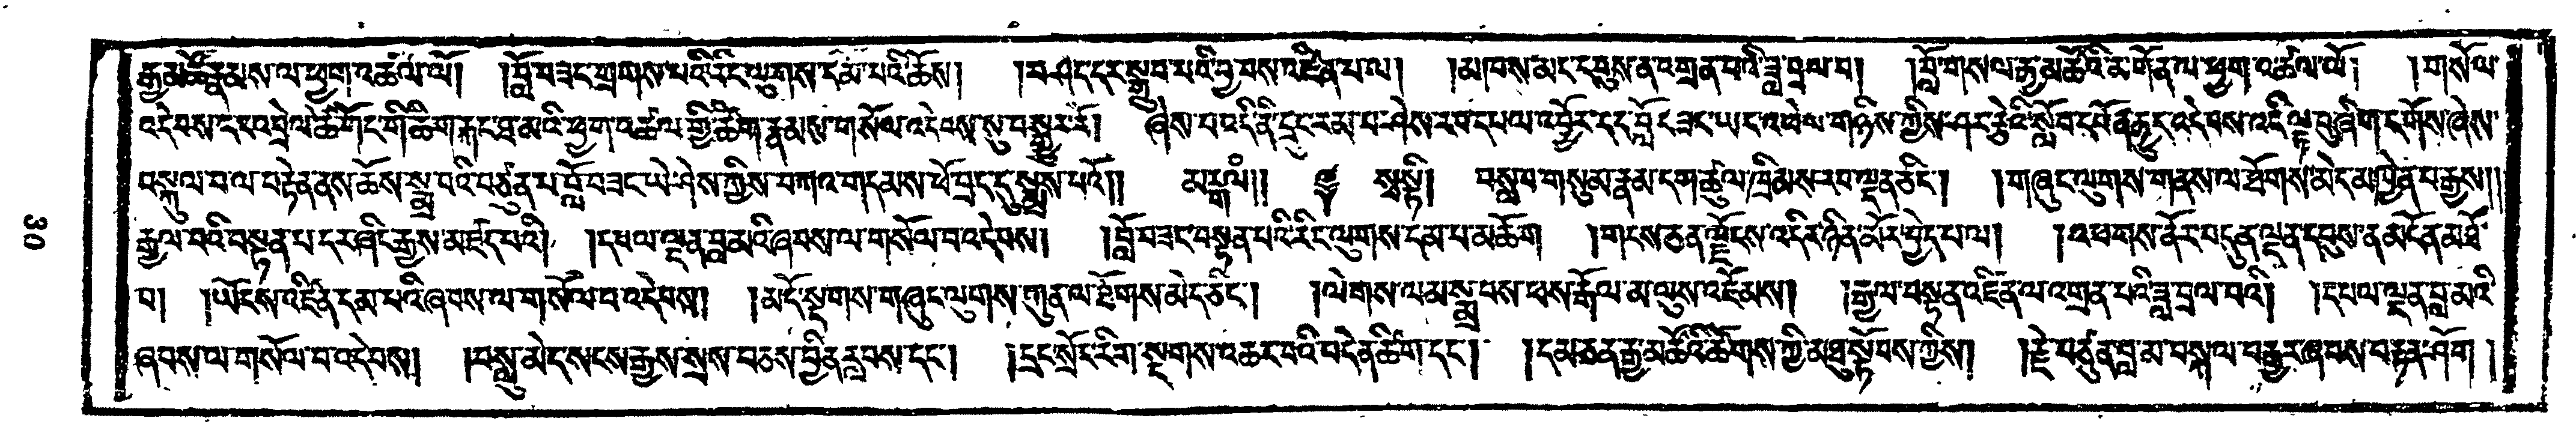རྒྱ་མཚོ་རྣམས་ལ་ཕྱག་འཚལ་ལོ། །བློ་བཟང་གྲགས་པའི་རིང་ལུགས་དམ་པའི་ཆོས། །བཤད་དར་སྒྲུབ་པའི་བྱ་བས་འཛིན་པ་ལ། །མཁས་མང་དབུས་ན་འགྲན་པའི་ཟླ་བྲལ་བ། །བློ་གསལ་རྒྱ་མཚོའི་མགོན་ལ་ཕྱག་འཚལ་ལོ། །གསོལ་
འདེབས་དང་འབྲེལ་ཚ་གོང་གི་ཆིག་རྐང་ཐ་མའི་ཕྱག་འཚལ་གྱི་ཚིག་རྣམས་གསོལ་འདེབས་སུ་བསྒྱུར་རོ། ཞེས་པ་འདི་ནི་དྲུང་རམ་པ་ཤེས་རབ་དཔལ་འབྱོར་དང་བློ་བཟང་ཡང་འཕེལ་གཉིས་ཀྱིས་ཤར་རྩེའི་སློབ་དཔོན་རྒྱུད་འདེབས་འདི་ལྟ་བུ་ཞིག་དགོས་ཞེས་
བསྐུལ་བ་ལ་བརྟེན་ནས་ཆོས་སྨྲ་བའི་བཙུན་པ་བློ་བཟང་ཡེ་ཤེས་ཀྱིས་བཀའ་གདམས་ཕོ་བྲང་དུ་སྨྲས་པའོ། །མངྒལཾ།། ༈སྭསྟི། བསླབ་གསུམ་རྣམ་དག་ཚུལ་ཁྲིམས་རབ་ལྡན་ཅིང་། །གཞུང་ལུགས་གནས་ལ་ཐོགས་མེད་མཁྱེན་པ་རྒྱས།།
རྒྱལ་བའི་བསྟན་པ་དར་ཞིང་རྒྱས་མཛད་པའི། །དཔལ་ལྡན་བླ་མའི་ཞབས་ལ་གསོལ་བ་འདེབས། །བློ་བཟང་བསྟན་པའི་རིང་ལུགས་དམ་པ་མཆོག །གངས་ཅན་ལྗོངས་འདིར་ཉིན་མོར་བྱེད་པ་ལ། །འཕགས་ནོར་བདུན་ལྡན་དབུས་ན་མངོན་མཐོ་
བ། །ཡོངས་འཛིན་དམ་པའི་ཞབས་ལ་གསོལ་བ་འདེབས། །མདོ་སྔགས་གཞུང་ལུགས་ཀུན་ལ་ཐོགས་མེད་ཅིང་། །ལེགས་ལམ་སྨྲ་བས་ཕས་རྒོལ་མ་ལུས་འཇོམས། །རྒྱལ་བསྟན་འཛིན་ལ་འགྲན་པའི་ཟླ་བྲལ་བའི། །དཔལ་ལྡན་བླ་མའི་
ཞབས་ལ་གསོལ་བ་འདེབས། །བསླུ་མེད་སངས་རྒྱས་སྲས་བཅས་བྱིན་རླབས་དང་། །དྲང་སྲོང་རིག་སྔགས་འཆར་བའི་བདེན་ཚིག་དང་། །དམ་ཅན་རྒྱ་མཚོའི་ཚོགས་ཀྱི་མཐུ་སྟོབས་ཀྱིས། །རྗེ་བཙུན་བླ་མ་བསྐལ་བརྒྱར་ཞབས་བརྟན་ཤོག །